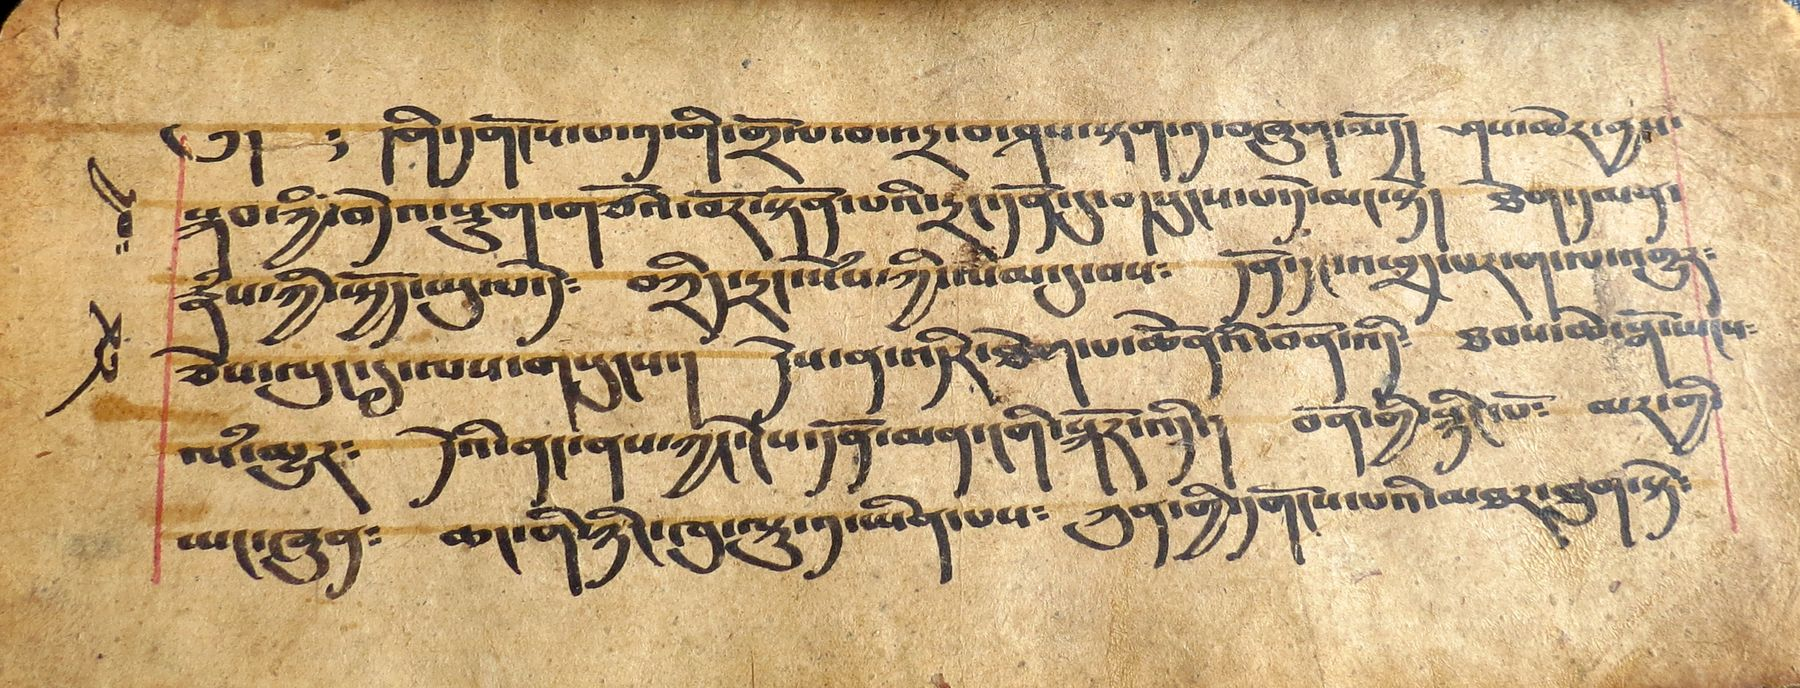གི་དགོངས་པ་གཅིག་གིས་འགྲེལ་བ་འདྲ་བ་ཤ་སྟག་ཏུ་བཞུགས་མོད། ཤས་ཆེར་གནས་
སྐབས་ཀྱི་བདེ་སྡུག་གཙོ་བོར་སྟོན་པའི་དྲང་དོན་དུ་གསུངས་པ་མང་སྟེ། ཐེག་དམན་
རྣམས་ཀྱི་སྤྱོད་ཡུལ་དེ། བཀྲིད་དྲང་སེམས་ཀྱི་ལམ་དུ་བས། དོན་དང་འཕྲད་པ་ག་ལ་འགྱུར། 
ཅེས་ལུང་དྲུང་ལས་གསུངས། དེས་ན་འདིར་ཐེག་པ་ཆེན་པོའི་བོན་འདི། ཐབས་ཆེ། སྒོ་ཡངས། 
ལམ་མྱུར་དེའི་ནང་ནས་ཀྱང་ངེས་དོན་མན་ངག་གི་སྐོར་འདི། བོན་གྱི་སྙིང་པོ། མར་གྱི་
ཡང་ཞུན། ཆང་གི་ཉིང་ཁུ་ལྟ་བུ་ཡིན་པས། ཀུན་གྱི་དགོངས་པའི་མཐར་ཐུག་སྟེ།